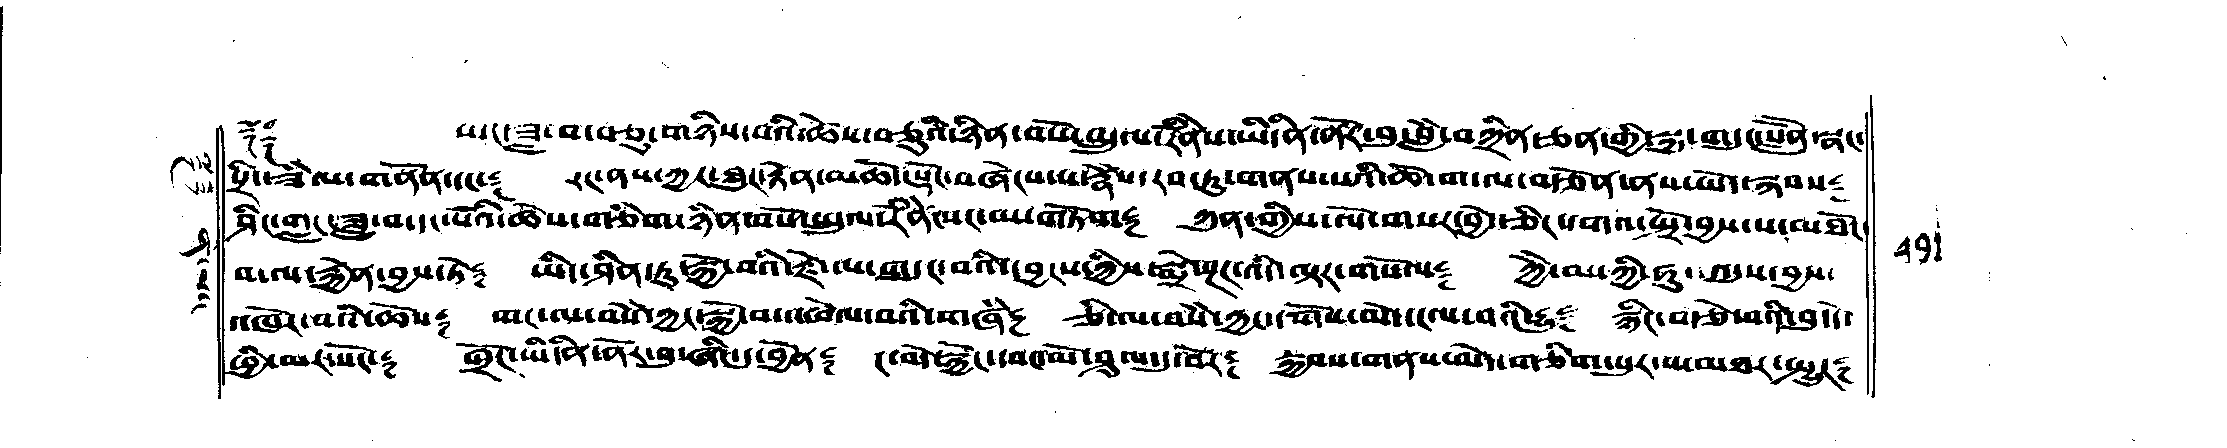ཡང་ཟླ་བ་བཅུ་གཉིས་པའི་ཚེས་བཅུའི་ཉིན་བསོ་སྤྲུལ་རིན་པོ་ཆེས་ཡིད་བཞིན་ནོར་བུ་བླ་མ་བཀའ་དྲིན་ཅན་གྱི་སྐུ་གདུང་སློབ་དཔོན་སྣང་
སྲིད་ཟིལ་གནོན་དང་། རང་ནས་ཀྱང་ཐུགས་རྟེན་མཆོད་སྡོང་བཞེངས་པ་རྣམས་རབ་ཏུ་གནས་པའི་ཆོ་ག་ལ་བརྩོན་ནས་ཡོད་སྐབས། 
ཤིང་གླང་ཟླ་བ་དང་པོའི་ཚེས་གཅིག་ཉིན་བསོ་སྤྲུལ་རིན་པོ་ཆེ་སང་མ་གཏོགས། ཀུན་གྱིས་ལོ་གསར་བྱེད་ཅིང་དགའ་སྤྲོ་བྱས་པ་མཐོང་
བ་ལ་རྐྱེན་བྱས་ཏེ། ཡིད་ཤིན་ཏུ་སྐྱོ་བའི་རྗེ་ལ་གདུང་བའི་དབྱངས་ཀྱིས་སྨྲེ་སྔགས་འདི་ལྟར་གསོལ། ཀྱཻ་མ་ཀྱི་ཧུད་འདུས་བྱས་
འཁོར་བའི་ཆོས། །གང་ལ་བསམ་ཀྱང་སྐྱོ་བ་འཕེལ་བའི་གཞི། །ཅི་ལ་བསམ་ཀྱང་དགོས་མེད་ངལ་བའི་རྒྱུ། །སྙིང་བརྩེ་བའི་བུ་དེ་
ཕྱི་མར་སོང་། །གྲོགས་ཡིད་བཞིན་ནོར་བུ་ཞིང་དུ་བྱོན། །ང་བདེ་སྐྱོང་དབང་མོ་ཤུལ་དུ་བོར། །སྐྱབས་གནས་མེད་གཅིག་པུར་ས་མཐར་སྤྱུགས།